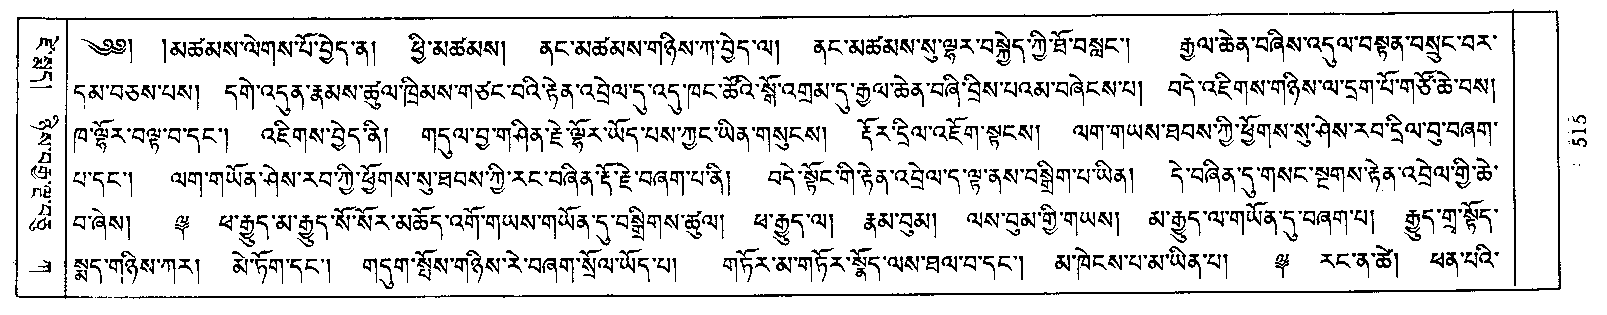༄༅། །མཚམས་ལེགས་པོ་བྱེད་ན། ཕྱི་མཚམས། ནང་མཚམས་གཉིས་ཀ་བྱེད་ལ། ནང་མཚམས་སུ་ལྷར་བསྐྱེད་ཀྱི་ཐོ་བསླང་། རྒྱལ་ཆེན་བཞིས་འདུལ་བསྟན་བསྲུང་བར་
དམ་བཅས་པས། དགེ་འདུན་རྣམས་ཚུལ་ཁྲིམས་གཙང་བའི་རྟེན་འབྲེལ་དུ་འདུ་ཁང་ཚོའི་སྒོ་འགྲམ་དུ་རྒྱལ་ཆེན་བཞི་བྲིས་པའམ་བཞེངས་པ། བདེ་འཇིགས་གཉིས་ལ་དྲག་པོ་གཙོ་ཆེ་བས།
ཁ་ལྷོར་བལྟ་བ་དང་། འཇིགས་བྱེད་ནི། གདུལ་བྱ་གཤིན་རྗེ་ལྷོར་ཡོད་པས་ཀྱང་ཡིན་གསུངས། རྡོར་དྲིལ་འཇོག་སྟངས། ལག་གཡས་ཐབས་ཀྱི་ཕྱོགས་སུ་ཤེས་རབ་དྲིལ་བུ་བཞག་
པ་དང་། ལག་གཡོན་ཤེས་རབ་ཀྱི་ཕྱོགས་སུ་ཐབས་ཀྱི་རང་བཞིན་རྡོ་རྗེ་བཞག་པ་ནི། བདེ་སྟོང་གི་རྟེན་འབྲེལ་ད་ལྟ་ནས་བསྒྲིག་པ་ཡིན། དེ་བཞིན་དུ་གསང་སྔགས་རྟེན་འབྲེལ་གྱི་ཆེ་
བ་ཞེས། ༈ ཕ་རྒྱུད་མ་རྒྱུད་སོ་སོར་མཆོད་འགོ་གཡས་གཡོན་དུ་བསྒྲིགས་ཚུལ། ཕ་རྒྱུད་ལ། རྣམ་བུམ། ལས་བུམ་གྱི་གཡས། མ་རྒྱུད་ལ་གཡོན་དུ་བཞག་པ། རྒྱུད་གྲྭ་སྟོད་
སྨད་གཉིས་ཀར། མེ་ཏོག་དང་། གདུག་སྤོས་གཉིས་རེ་བཞག་སྲོལ་ཡོད་པ། གཏོར་མ་གཏོར་སྣོད་ལས་ཐལ་བ་དང་། མ་ཁེངས་པ་མ་ཡིན་པ། ༈ རང་ན་ཚེ། ཕན་པའི་